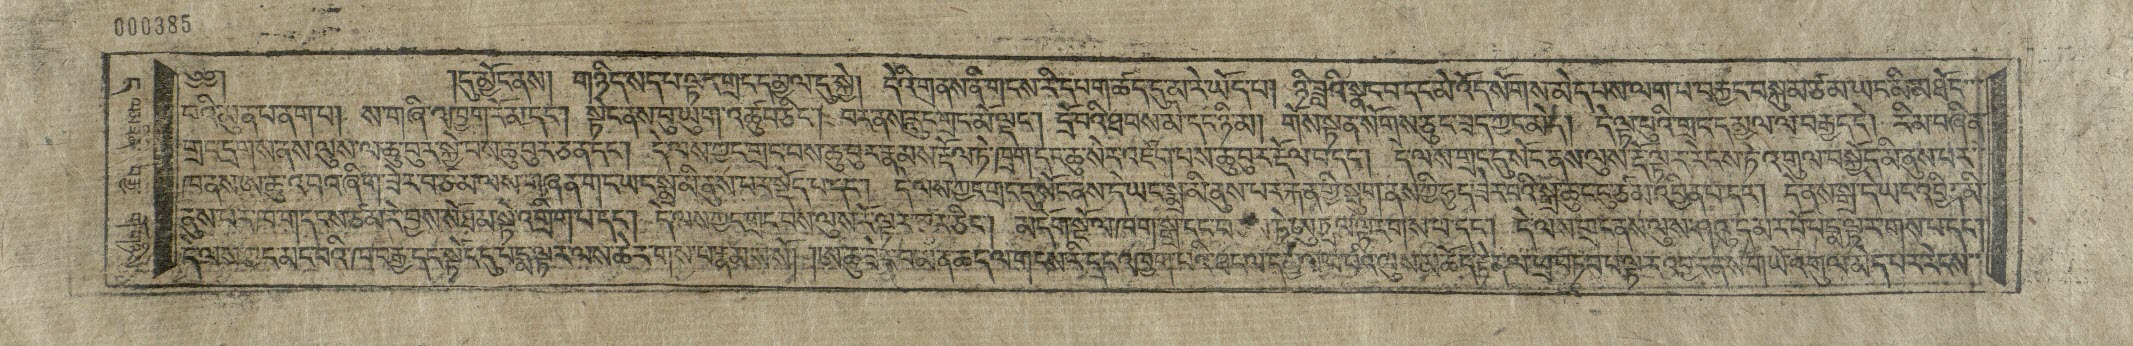༄༅། །དུ་མྱོང་ནས། གཉིད་སད་པ་ལྟར་གྲང་དམྱལ་དུ་སྐྱེ། དེའི་གནས་ནི་གངས་རི་དཔག་ཚད་དུ་མ་རེ་ཡོད་པ། ཉི་ཟླའི་སྣང་བ་དང་མེ་འོད་སོགས་མེད་པས་ལག་པ་བརྐྱང་བསྐུམ་ཙམ་ཡང་མི་མཐོང་
བའི་མུན་པ་ནག་པ། ས་གཞི་འཁྱག་རོམ་དང་། སྟེང་ནས་བུ་ཡུག་འཚུབ་ཅིང་། བར་ནས་རླུང་གྲང་མོ་ལྡང་། དྲོ་བའི་ཐབས་མེ་དང་ཉི་མ། གོས་སྟན་སོགས་ཅུང་ཟད་ཀྱང་མེད། དེ་ལྟ་བུའི་གྲང་དམྱལ་ལ་བརྒྱད་དེ། རིམ་བཞིན་
གྲང་དྲགས་ནས་ལུས་ལ་ཆུ་བུར་སྐྱེ་བས་ཆུ་བུར་ཅན་དང་། དེ་ལས་ཀྱང་གྲང་བས་ཆུ་བུར་རྣམས་རྡོལ་ཏེ་ཁྲག་དང་ཆུ་སེར་འཛག་པས་ཆུ་བུར་རྡོལ་བ་དང་། དེ་ལས་གྲང་དུ་སོང་ནས་ལུས་རྡོ་ལྟར་རེངས་ཏེ་འགུལ་བསྐྱོད་མི་ནུས་པར་
ཁ་ནས་ཨ་ཆུ་འབའ་ཞིག་ཟེར་བ་ཙམ་ལས་གཞན་གང་ཡང་སྨྲ་མི་ནུས་པར་སྡོད་པ་དང་། དེ་ལས་ཀྱང་གྲང་དུ་སོང་ནས་དེ་ཡང་སྨྲ་མི་ནུས་པར་རྐན་གྱི་སྦུག་ནས་ཀྱི་ཧུད་ཟེར་བའི་སྒྲ་ཆུང་ངུ་ཙམ་འབྱིན་པ་དང་། དེ་ནས་སྒྲ་དེ་ཡང་འབྱིན་མི་
ནུས་པར་ཁ་གདངས་ཙམ་རེ་བྱས་སོ་ཐམ་སྟེ་འགྲིག་པ་དང་། དེ་ལས་ཀྱང་གྲང་བས་ལུས་རོ་ལྟར་གྱུར་ཅིང་། མདོག་སྔོ་ལ་ཁག་སྒྲ་དང་བཅས་ཏེ་ཨུཏྤལ་ལྟར་གས་པ་དང་། དེ་ལས་གྲང་ནས་ལུས་ཤའུ་དམར་པོ་པདམ་ལྟར་གས་པ་དང་།
དེ་ལས་ཀྱང་མང་བའི་ཁ་བརྒྱ་དང་སྟོང་དུ་པདམ་ལྟར་ལས་ཆེར་གས་པ་རྣམས་སོ། །ཨ་ཆུ་ཟེར་བ་མན་ཆད་ལ་གངས་རི་དང་འཁྱག་པའི་ཐང་ལ་དམྱལ་བ་པའི་ལུས་མཆོད་རྟེན་ལ་ཕྲ་བཏབ་པ་ལྟར་འབྱར་ནས་གཡོ་འགུལ་མེད་པར་རེངས་